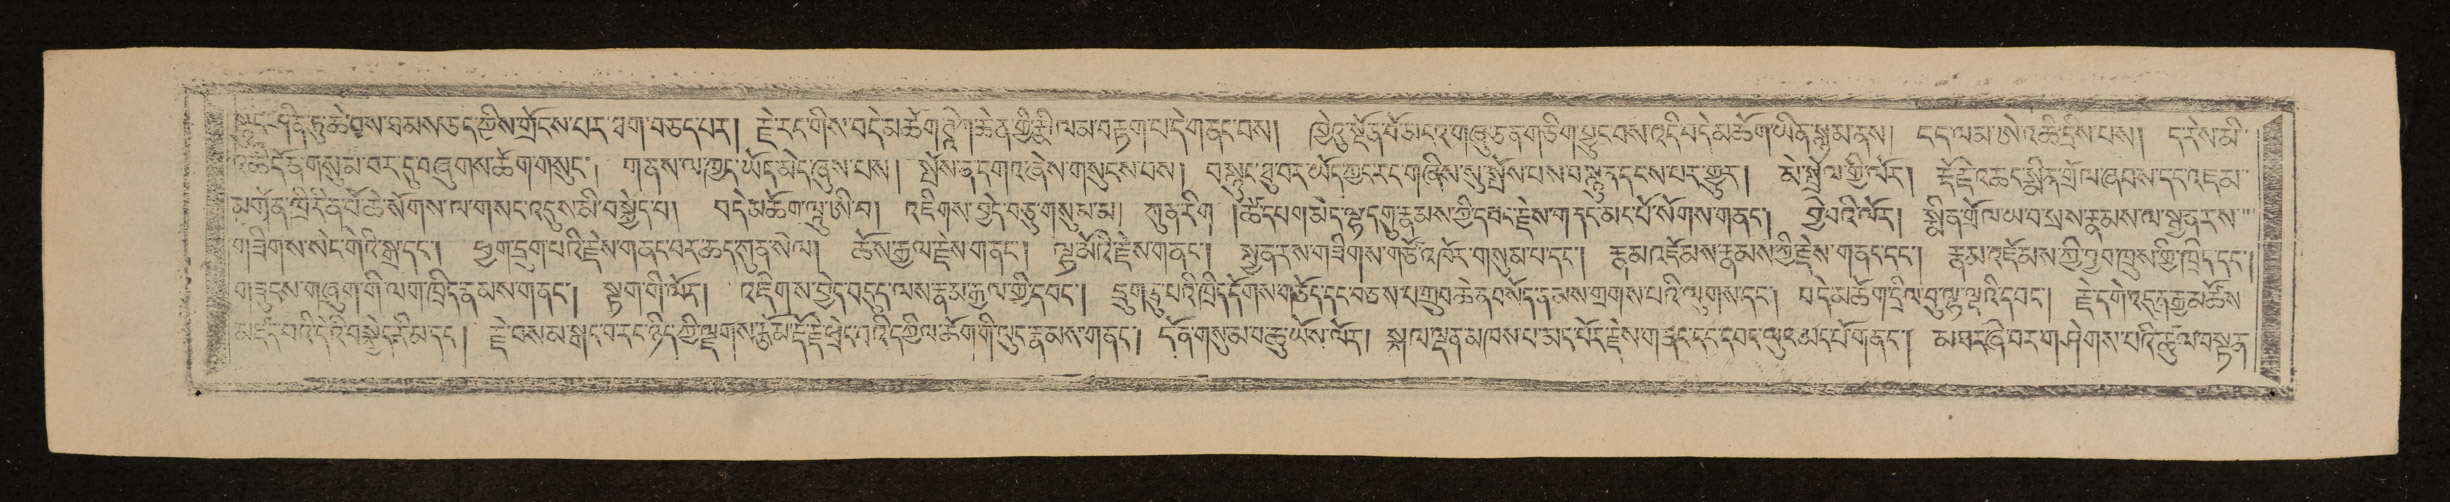སྙུང་ཤིན་ཏུ་ཆེ་བས་ཐམས་ཅད་ཀྱིས་གྲོངས་པར་ཐག་བཅད་པར། རྗེ་རང་གིས་བདེ་མཆོག་ཊཱིཀ་ཆེན་གྱི་རྨི་ལམ་བརྟག་པ་དེ་གནང་བས། ཁྱེའུ་སྔོན་པོ་མདའ་གཞུ་ཅན་གཅིག་བྱུང་བས་འདི་བདེ་མཆོག་ཡིན་སྙམ་ནས། ངད་ལམ་ཨེ་འཆི་དྲིས་པས། ད་རེས་མི་
འཆི་དོན་གསུམ་བར་དུ་བཞུགས་ཆོག་གསུང་། གནས་ལ་ཁྱད་ཡོད་མེད་ཞུས་པས། སྤོས་ན་དགའ་ཞེས་གསུངས་པས། བསྙུང་ཐུ་བར་ཡོད་ཀྱང་རང་གཞིས་སུ་སྤོས་པས་བསྙུན་དངས་པར་གྱུར། མེ་སྤྲེལ་གྱི་ལོར། རྡོ་རྗེ་འཆང་སྨིན་གྲོལ་ཞབས་དང་འཇམ་
མགོན་ཁྲི་རིན་པོ་ཆེ་སོགས་ལ་གསང་འདུས་མི་བསྐྱོད་པ། བདེ་མཆོག་ལཱུ་ཨི་བ། འཇིགས་བྱེད་བཅུ་གསུམ་མ། ཀུན་རིག །ཚེ་དཔག་མེད་ལྷ་དགུ་རྣམས་ཀྱི་དབང་རྗེས་གནང་མང་པོ་སོགས་གནང་། བྱི་བའི་ལོར། སྨིན་གྲོལ་ཡབ་སྲས་རྣམས་ལ་སྤྱན་རས་
གཟིགས་སེང་གེའི་སྒྲ་དང་། ཕྱག་དྲུག་པའི་རྗེས་གནང་བར་ཆད་ཀུན་སེལ། ཆོས་རྒྱལ་རྗེས་གནང་། ལྷ་མོའི་རྗེས་གནང་། སྤྱན་རས་གཟིགས་གཙོ་འཁོར་གསུམ་པ་དང་། རྣམ་འཇོམས་རྣམས་ཀྱི་རྗེས་གནང་དང་། རྣམ་འཇོམས་ཀྱི་བྱབ་ཁྲུས་ཀྱི་ཁྲིད་དང་།
གཟུངས་གཞུག་གི་ལག་ཁྲིད་རྣམས་གནང་། སྟག་གི་ལོར། འཇིགས་བྱེད་བདུད་ལས་རྣམ་རྒྱལ་གྱི་དབང་། དྲུག་ཅུ་པའི་ཁྲིད་དོགས་གཅོད་དང་བཅས་པ་གྲུབ་ཆེན་བསོད་ནམས་གྲགས་པའི་ལུགས་དང་། བདེ་མཆོག་དྲིལ་བུ་ལྷ་ལྔའི་དབང་། རྗེ་དགེ་འདུན་རྒྱ་མཚོས་
མཛད་པའི་དེའི་བསྐྱེད་རིམ་དང་། རྗེ་བསམ་སྒང་བ་རང་ཉིད་ཀྱི་ལྗགས་རྩོམ་རྡོ་རྗེ་ཕྲེང་བའི་དཀྱིལ་ཆོག་གི་ལུང་རྣམས་གནང་། དོན་གསུམ་པ་ཆུ་ཡོས་ལོར། སྐལ་ལྡན་མཁས་པ་མང་པོར་རྗེས་གནང་དང་དབང་ལུང་མང་པོ་གནང་། མཐར་ཞི་བར་གཤེགས་པའི་ཚུལ་བསྟན་